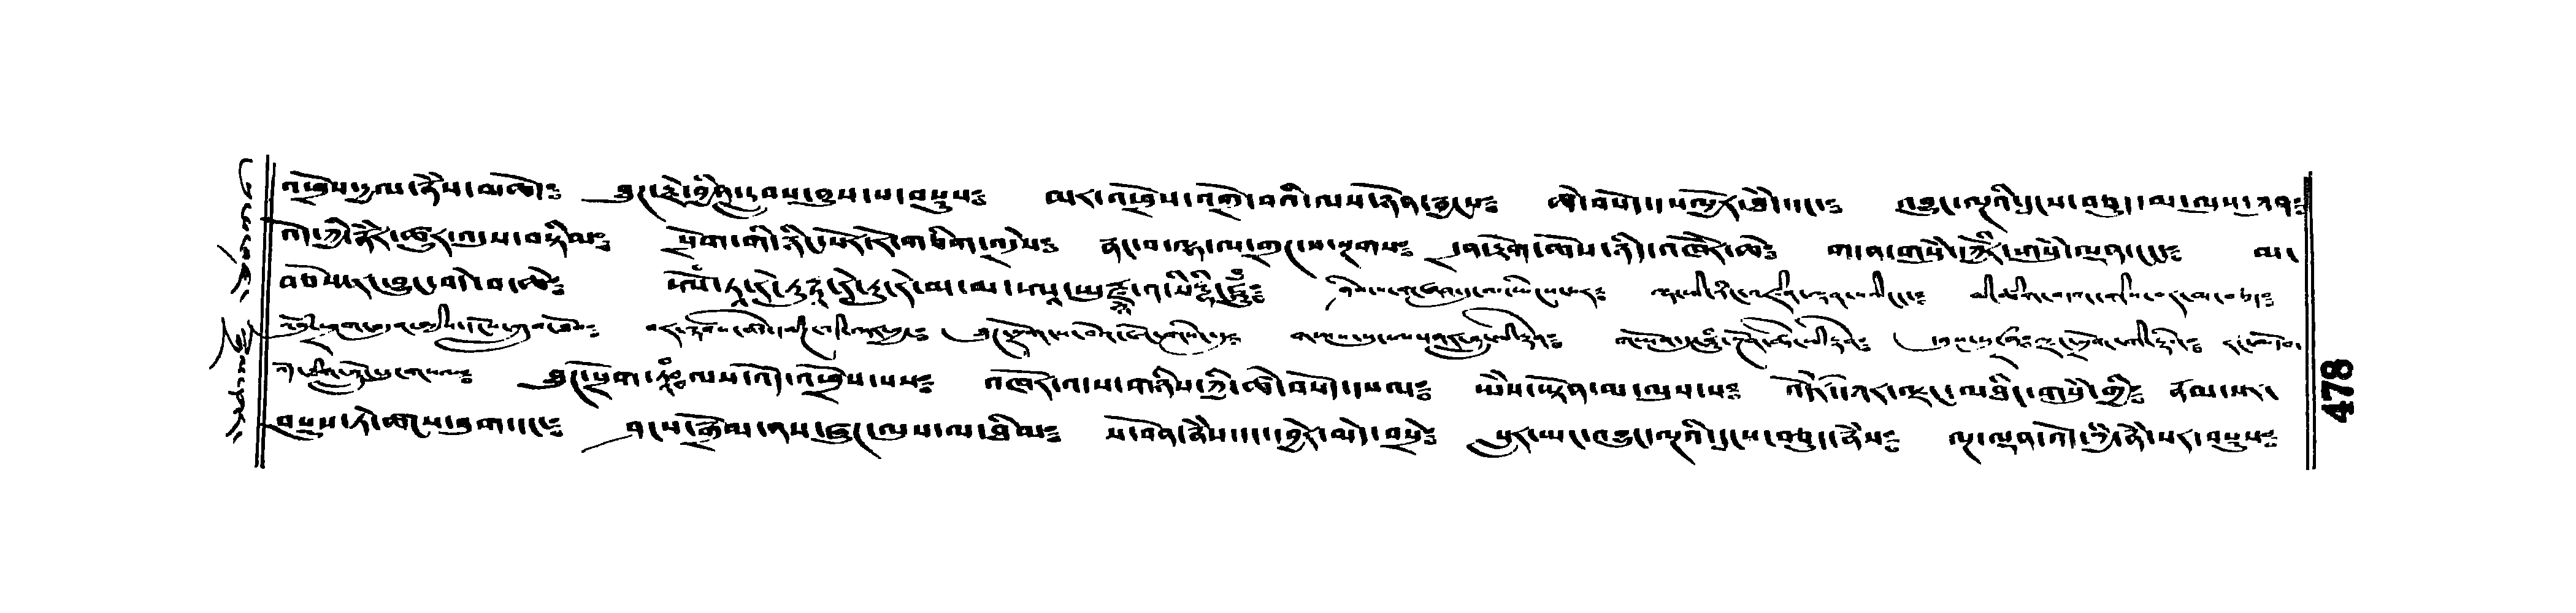འཕྲོས་རྒྱལ་རྣམས་མཆོད༔ ཐུགས་རྗེ་བྱིན་རླབས་ནུས་པ་བསྡུས༔མར་འཕྲོས་འགྲོ་བའི་ལས་ཉོན་སྦྱངས༔ ཚེ་བསོད་དཔལ་འབྱོར་ཐམས་ཅད་དང༔ འབྱུང་ལྔའི་དྭངས་བཅུད་མ་ལུས་ཀུན༔ 
འོད་ཀྱི་རྣམ་པར་ཚུར་འདུས་བསྟིམ༔ སྲོག་གི་སྙིང་པོར་རོ་གཅིག་འདྲེས༔ སྣང་བ་ལྷ་ལ་གྲགས་པ་སྔགས༔ དྲན་རྟོག་ཆོས་ཉིད་འཁོར་ལོ་ཆེ༔ གདན་གསུམ་དཀྱིལ་འཁོར་གསུམ་ལྡན་ངང༔ མ་
བཅོས་རང་བྱུང་བདེ་བ་ཆེ༔ ཨོཾ་ཏཱ་རེ་ཏུཏྟཱ་རེ་ཏུ་རེ་མ་མ་ཨཱ་ཡུརྫྙཱ་ན་སིདྡྷི་ཧཱུྃ༔ ཤེས་པ་གཞན་དུ་མ་ཡེངས་པར༔ ལྷ་ཡི་ཏིང་འཛིན་ལྡན་པའི་ངང༔ མི་ཚིག་བདག་གིས་བར་མ་བཅད༔ 
འབུམ་ཕྲག་བདུན་གྱིས་དངོས་གྲུབ་ཐོབ༔ བར་སྐབས་ཚེ་དམིགས་འདི་ལྟར་བྱ༔ ཐུགས་སྲོག་ས་བོན་ཁོང་གསེང་དུ༔ གཡས་སུ་ཨ་དཀར་བླ་ཡི་རྟེན༔ གཡོན་དུ་ཧཱུྃ་སྔོན་ཚེ་ཡི་རྟེན༔ དབུས་སུ་ནྲྀཿལྗང་སྲོག་གི་རྟེན༔ རང་མདོག་
འོད་ཐིག་ཀློང་དུ་གསལ༔ ཐུགས་སྲོག་ཏཱཾཿལས་འོད་འཕྲོས་པས༔ འཁོར་འདས་གཉིས་ཀྱི་ཚེ་བསོད་དཔལ༔ ཡེ་ཤེས་ཡོན་ཏན་མ་ལུས་པ༔ འོད་ཟེར་དཀར་ལྗང་མཐིང་གསུམ་གྱི༔ རྣམ་པར་
བསྡུས་ཏེ་ཚངས་བུག་དང༔ ཤངས་སྒྲོམ་ནས་ཞུགས་ལུས་ལ་ཐིམ༔ ས་བོན་རྣམས་དང་དབྱེར་མེད་བསྲེ༔ སླར་ཡང་འབྱུང་ལྔའི་དྭངས་བཅུད་རྣམས༔ ལྔ་ལྡན་འོད་ཀྱི་རྣམ་པར་བསྡུས༔